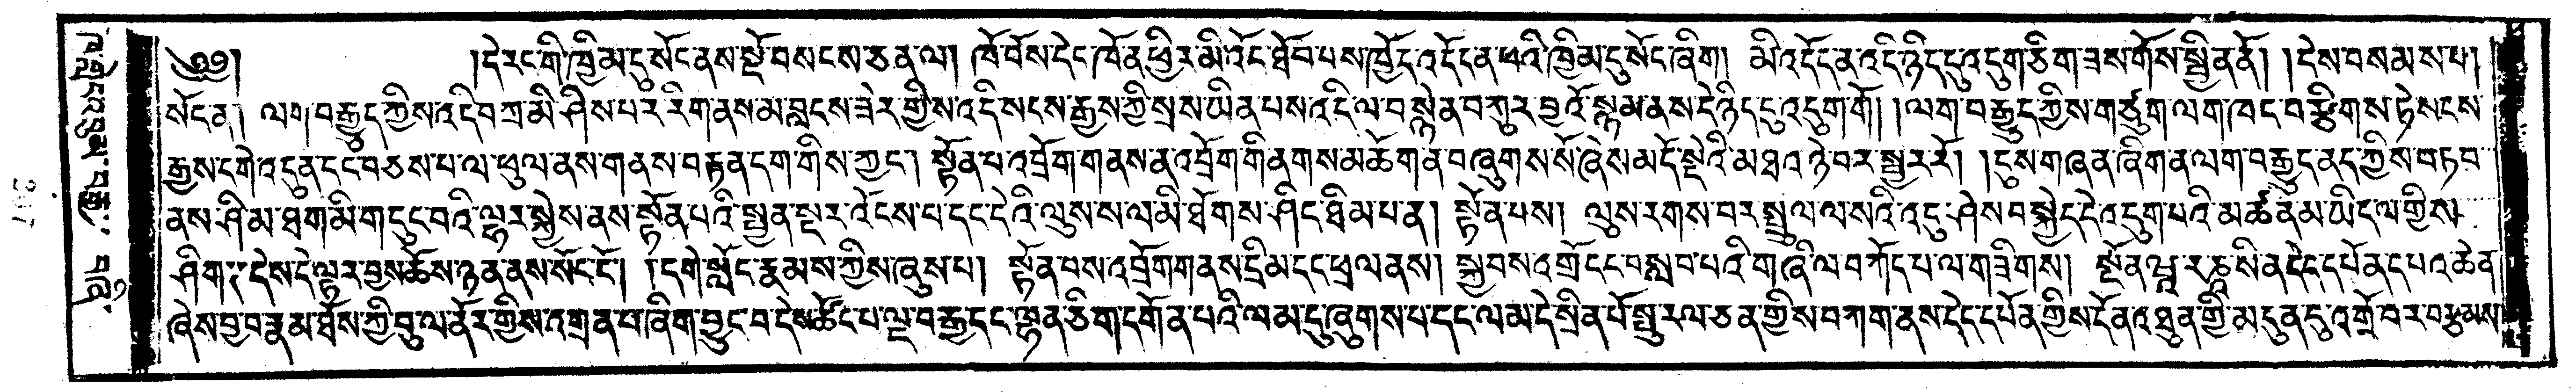༄༅། །དེ་རང་གི་ཁྱིམ་དུ་སོང་ནས་སྡོ་བསངས་ཅན་ལ། ཁོ་བོས་དེང་ཁོ་ན་ཕྱིར་མི་འོང་ཐོབ་པས་ཁྱོད་འདོད་ན་ཕའི་ཁྱིམ་དུ་སོང་ཞིག །མི་འདོད་ན་འདི་ཉིད་དུ་འདུག་ཅིང་ཟས་གོས་སྦྱིན་ནོ། །དེས་བསམས་པ།
སོང་ན། ལག་བརྒྱུད་ཀྱིས་འདི་བཀྲ་མི་ཤིས་པར་རིག་ནས་མ་བླངས་ཟེར་གྱིས་འདི་སངས་རྒྱས་ཀྱི་སྲས་ཡིན་པས་འདི་ལ་བསྙེན་བཀུར་བྱའོ་སྙམ་ནས་དེ་ཉིད་དུ་འདུག་གོ །ལག་བརྒྱུད་ཀྱིས་གཙུག་ལག་ཁང་བརྩིགས་ཏེ་སངས་
རྒྱས་དགེ་འདུན་དང་བཅས་པ་ལ་ཕུལ་ནས་གནས་བརྟན་དག་གིས་ཀྱང་། སྟོན་པ་འབྲོག་གནས་ན་འབྲོག་གི་ནགས་མཆོག་ན་བཞུགས་སོ་ཞེས་མདོ་སྡེའི་མཐའ་ཉེ་བར་སྦྱར་རོ། །དུས་གཞན་ཞིག་ན་ལག་བརྒྱུད་ནད་ཀྱིས་བཏབ་
ནས་ཤི་མ་ཐག་མི་གདུང་བའི་ལྷར་སྐྱེས་ནས་སྟོན་པའི་སྤྱན་སྔར་འོངས་པ་དང་དེའི་ལུས་ས་ལ་མི་ཐོགས་ཤིང་ཐིམ་པ་ན། སྟོན་པས། ལུས་རགས་པར་སྤྲུལ་ལ་སའི་འདུ་ཤེས་བསྐྱེད་དེ་འདུག་པའི་མཚན་མ་ཡིད་ལ་གྱིས་
ཤིག༑ དེས་དེ་ལྟར་བྱས་ཆོས་ཉན་ནས་སོང་ངོ། །དགེ་སློང་རྣམས་ཀྱིས་ཞུས་པ། སྟོན་པས་འབྲོག་གནས་དྲི་མ་དང་ཕྲལ་ནས། སྐྱབས་འགྲོ་དང་བསླབ་པའི་གཞི་ལ་བཀོད་པ་ལ་གཟིགས། སྔོན་ཝཱ་ར་ཎཱ་སི་ན་དེད་དཔོན་དཔའ་ཆེན་
ཞེས་བྱ་བ་རྣམ་ཐོས་ཀྱི་བུ་ལ་ནོར་གྱིས་འགྲན་པ་ཞིག་བྱུང་བ་དེས་ཚོང་པ་ལྔ་བརྒྱ་དང་ལྷན་ཅིག་དགོན་པའི་ལམ་དུ་ཞུགས་པ་དང་ལམ་དེ་སྲིན་པོ་སྤུ་རལ་ཅན་གྱིས་བཀག་ནས་དེད་དཔོན་གྱིས་དོན་འཐུན་གྱི་མདུན་དུ་འགྲོ་བར་བརྩམས་